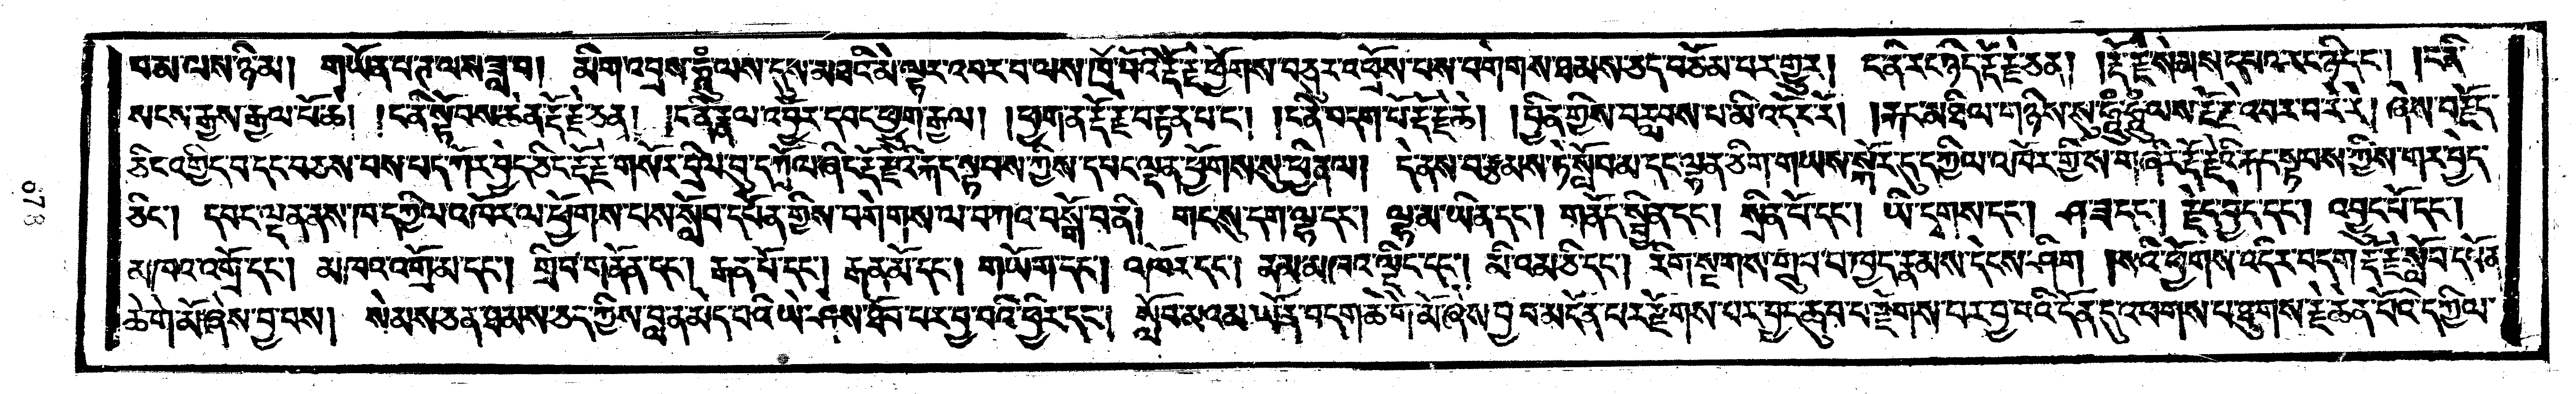བ་མ་ལས་ཉི་མ། གཡོན་པ་ཊ་ལས་ཟླ་བ། མིག་འབྲས་ཧཱུཾ་ལས་དུས་མཐའི་མེ་ལྟར་འབར་བ་ལས་ཁྲོ་བོའི་རྡོ་རྗེ་ཕྱོགས་བཅུར་འཕྲོས་པས་བགེགས་ཐམས་ཅད་བཅོམ་པར་གྱུར། ང་ནི་རང་ཉིད་རྡོ་རྗེ་ཅན། །རྡོ་རྗེ་སེམས་དཔའ་རང་ཉིད་བ། །ང་ནི་
སངས་རྒྱས་རྒྱལ་པོ་ཆེ། །ང་ནི་སྟོབས་ཆེན་རྡོ་རྗེ་ཅན། །ང་ནི་རྣལ་འབྱོར་དབང་ཕྱུག་རྒྱལ། །ཕྱག་ན་རྡོ་རྗེ་བརྟན་པ་ང་། །ང་ནི་བདག་པོ་རྡོ་རྗེ་ཆེ། །བྱིན་གྱིས་བརླབས་པ་མི་འདོར་རོ། །རྐང་མཐིལ་གཉིས་སུ་ཧཱུཾ་ཧཱུཾ་ལས་རྡོ་རྗེ་འབར་བ་རེ་རེ། ཞེས་བརྗོད་
ཅིང་འགྱིད་བ་དང་བཅས་བས་པད་ཀོར་བྱེད་ཅིང་རྡོ་རྗེ་གསོར་དྲིལ་བུ་དཀྲོལ་ཞིང་རྡོ་རྗེའི་རྐང་སྟབས་ཀྱིས་དབང་ལྡན་ཕྱོགས་སུ་ཕྱིན་ལ། དེ་ནས་བ་རྩམས་ཏེ་སློབ་མ་དང་ལྷན་ཅིག་གཡས་སྐོར་དུ་དཀྱིལ་འཁོར་གྱི་ས་གཞིར་རྡོ་རྗེའི་རྐང་སྟབས་ཀྱིས་གར་བྱེད་
ཅིང་། དབང་ལྡན་ནས་ཁ་དཀྱིལ་འཁོར་ལ་ཕྱོགས་པས་སློབ་དཔོན་གྱིས་བགེགས་ལ་བཀའ་བསྒོ་བ་ནི། གང་སུ་དག་ལྷ་དང་། ལྷ་མ་ཡིན་དང་། གནོད་སྦྱིན་དང་། སྲིན་པོ་དང་། ཡི་དྭགས་དང་། ཤ་ཟ་དང་། རྗེད་བྱེད་དང་། འབྱུང་པོ་དང་།
མཁའ་འགྲོ་དང་། མཁའ་འགྲོ་མ་དང་། གྲིབ་གནོན་དང་། རྒན་པོ་དང་། རྒན་མོ་དང་། གཡོག་དང་། འཁོར་དང་། ནམ་མཁའ་ལྡིང་དང་། མི་འམ་ཅི་དང་། རིག་སྔགས་གྲུབ་བ་ཁྱད་རྣམས་དེངས་ཤིག །སའི་ཕྱོགས་འདིར་བདག་རྡོ་རྗེ་སློབ་དཔོན་
ཆེ་གེ་མོ་ཞེས་བྱ་བས། སེམས་ཅན་ཐམས་ཅད་ཀྱིས་བླ་ན་མེད་པའི་ཡེ་ཤེས་ཐོབ་པར་བྱ་བའི་ཕྱིར་དང་། སློབ་མའམ་ཡོན་བདག་ཆེ་གེ་མོ་ཞེས་བྱ་བ་མངོན་པར་རྫོགས་པར་བྱང་ཆུབ་བ་རྫོགས་པར་བྱ་བའི་དོན་དུ་འཕགས་པ་ཐུགས་རྗེ་ཆེན་པོའི་དཀྱིལ་